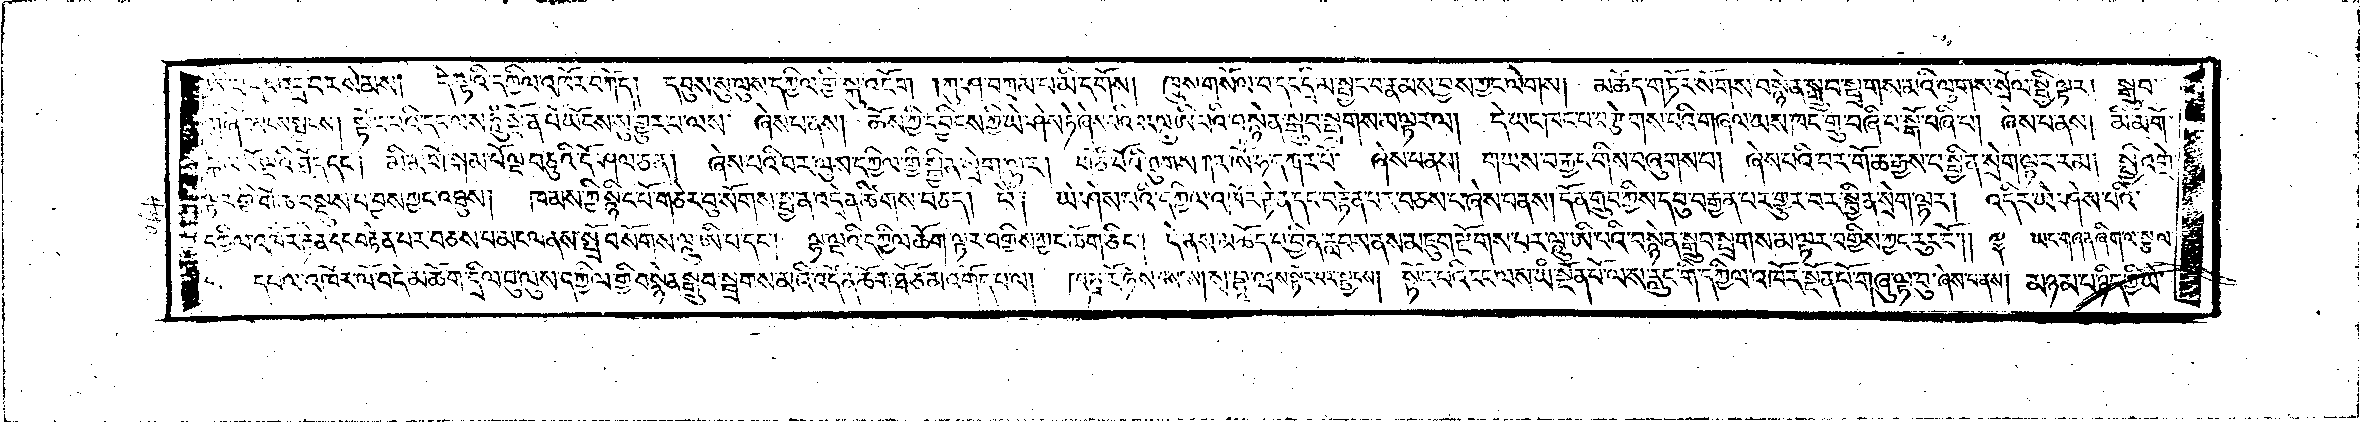ཨི་པ་དཔར་དྲ་བར་སེམས། དེ་ལྟའི་དཀྱིལ་འཁོར་བཀོད། དབུས་སུ་ལུས་དཀྱིལ་གྱི་སྐུ་འཇོག། ཀུ་ཤ་པ་ཀྲམ་པ་མི་དགོས། ཁྲུས་གསོལ་བ་དང་དྲི་མ་སྦྱང་བ་རྣམས་བྱས་ཀྱང་ལེགས། མཆོད་གཏོར་སོགས་བསྙེན་སྒྲུབ་སྦྲགས་མའི་ལུགས་སྒྲོལ་སྤྱི་ལྟར། སྒྲུབ་
གཞི་བསངས་སྤུངས། སྟོང་པའི་དང་ལས་ཧཱུཾ་སྔོན་པོ་ཡོངས་སུ་གྱུར་པ་ལས། ཞེས་པ་ནས། ཆོས་ཀྱི་དབྱིངས་ཀྱི་ཡེ་ཤེས་ཏེ་ཞེས་པའི་བར་ལཱུ་ཨི་པའི་བསྙེན་སྒྲུབ་སྦྲགས་མ་ལྟར་ལ། དེ་ཡང་ཁང་པ་བརྩེགས་པའི་གཞལ་ཡ་ཁང་གྲུ་བཞི་པ་སྒོ་བཞི་པ། ཟེས་པ་ནསྨྨི་མགོ་
རྐལ་རོ་ལྔའི་ཐོད་དང་། མི་མགོ་སྐམ་པོ་ལྔ་བཅུའི་དོ་ཤལ་ཅན། ཞེས་པའི་བར་ལུས་དཀྱིལ་གྱི་སྒྱིན་སྲེག་ལྟར། གཙོ་བོའི་ཐུགས་ཀར་ཨོཾ་ཧ་དཀར་པོ། ཞེས་པ་ནས། གཡས་བརྐྱང་གིས་བཞུགས་པ། ཞེས་པའི་བར་གོ་ཆ་རྒྱས་པ་སྦྱིན་སྲེག་ལྟར་རམ། སྤྱི་འགྲེ་
ལྟར་གྱི་གོ་ཆ་བསྡུས་པ་བྱས་ཀྱང་འཐུས། ཁམས་ཀྱི་སྙིང་པོ་གཅེར་བུ་སོགས་སྤྱན་འདྲེན་ཚིགས་བཅད། པཻཾ། ཡེ་ཤེས་པའི་དཀྱིལ་འཁོར་རྟེན་དང་བརྟེན་པར་བཅས་པ་ཞེས་པ་ནས། དོན་གྲུབ་ཀྱིས་དབུ་བ་རྒྱན་པར་གྱུར་བར་སྦྱིན་སྲེག་ལྟར། འདིར་ཡེ་ཤེས་པའི་
དཀྱིལ་འཁོར་རྟེན་དང་བརྟེན་པར་བཅས་པ་མངལ་ནས་སྤྲོ་བ་སོགས་ལཱུ་ཨི་པ་དང་། ལྷ་ལྔའི་དཀྱིལ་ཆོག་ལྟར་བགྱིས་ཀྱང་ཆོག་ཅིང་། དེ་ནས་མཆོད་པ་བྱིན་རླབས་ནས་མཇུག་རྫོགས་པར་ལཱུ་ཨི་པའི་བསྙེན་སྒྲུབ་སྤྲགས་མ་ལྟར་བགྱིས་ཀྱང་རུང་ངོ།། ༈ ཡང་གཞན་ཞིག་ལ་སྩལ་
པ། དཔལ་འཁོར་ལོ་བདེ་མཆོག་དྲིལ་བུ་ལུས་དཀྱིལ་གྱི་བསྙེན་སྒྲུབ་སྦྲགས་མའི་འདོན་ཆོག་ཐོ་ཙམ་འགོད་པ་ལ། ཁཎྜ་རོ་ཉེས་བསངས། སྭ་བྷཱ་ཝས་སྟོང་པར་སྦྱངས། སྟོང་པའི་ངང་ལས་ཡཾ་སྔོན་པོ་ལས་རླུང་གི་དཀྱིལ་འཁོར་སྔོན་པོ་གཞུ་ལྟར་བུ་ཞེས་པ་ནས།  མཉམ་པ་ཉིད་ཀྱི་ཡེ་